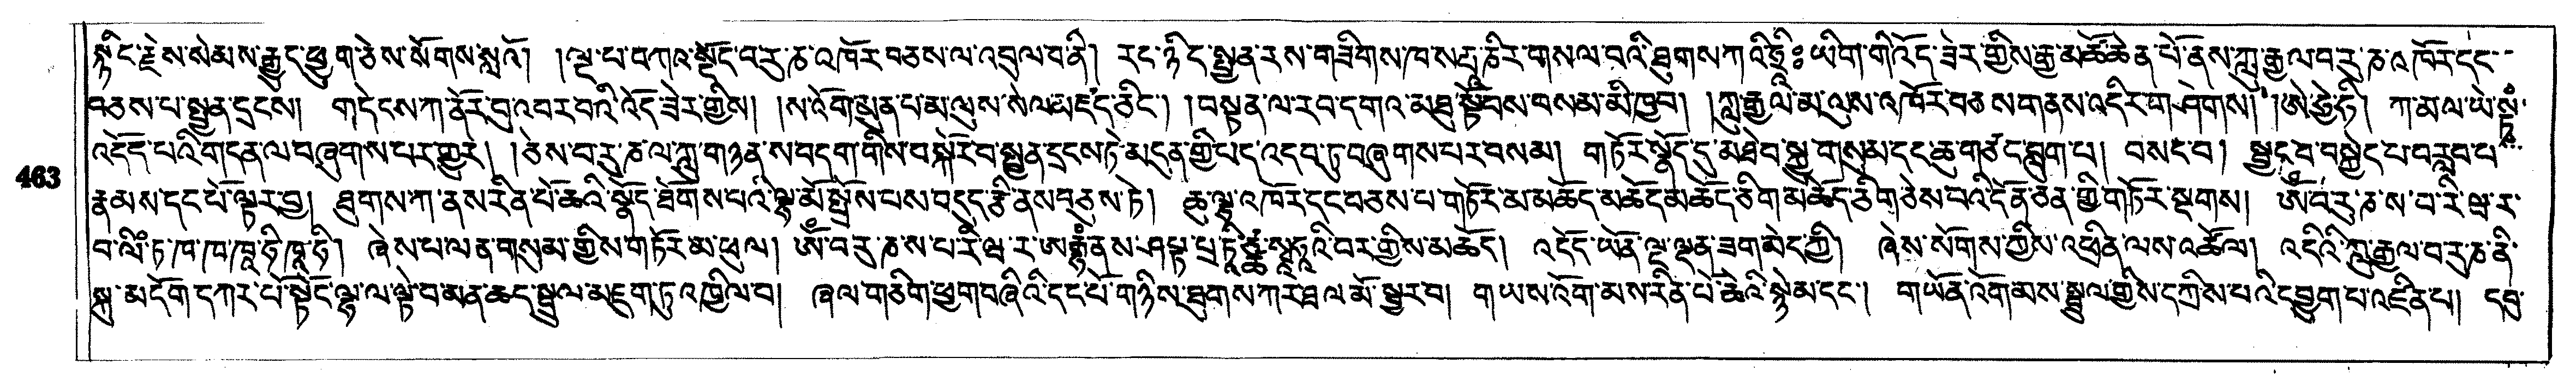སྙིང་རྗེས་སེམས་རྒྱུད་ཕྱུག་ཅེས་སོགས་སླའོ། །ལྔ་པ་བཀའ་སྡོང་བ་རུ་ཎ་འཁོར་བཅས་ལ་འབུལ་བ་ནི། རང་ཉིད་སྤྱན་རས་གཟིགས་ཁ་སརྦའ་ཎིར་གསལ་བའི་ཐུགས་ཀའི་ཧྲཱིཿ ཡིག་གི་འོད་ཟེར་གྱིས་རྒྱ་མཚོ་ཆེན་པོ་ནས་ཀླུ་རྒྱལ་བ་རུ་ཎ་འཁོར་དང་
བཅས་པ་སྤྱན་དྲངས། གདེངས་ཀ་ནོར་བུ་འབར་བའི་འོད་ཟེར་གྱིས། །ས་འོག་མུན་པ་མ་ལུས་སེལ་མཛད་ཅིང་། །བསྟན་ལ་རབ་དགའ་མཐུ་སྟོབས་བསམ་མི་ཁྱབ། །ཀླུ་རྒྱལ་མ་ལུས་འཁོར་བཅས་གནས་འདིར་གཤེགས། །ཨེ་ཧྱེ་ཧི། ཀ་མ་ལ་ཡེ་སྟཾ་
འདོད་པའི་གདན་ལ་བཞུགས་པར་གྱུར། །ཅེས་པ་རུ་ཎ་ལ་ཀླུ་གཉན་ས་བདག་གིས་བསྐོར་བ་སྤྱན་དྲངས་ཏེ་མདུན་གྱི་པད་འདབ་ཏུ་བཞུགས་པར་བསམ། གཏོར་སྣོད་དུ་མཐེབ་སྐྱུ་གསུམ་དང་ཆུ་གཙང་བླུག་པ། བསང་བ། སྦྱང་བ་བསྐྱེད་པ་བརླབ་པ་
རྣམས་དང་པོ་ལྟར་བྱ། ཐུགས་ཀ་ནས་རིན་པོ་ཆའི་སྣོད་ཐོགས་པའི་ལྷ་མོ་སྤྲོས་པས་བདུད་རྩི་ནས་བཅུས་ཏེ། ཆུ་ལྷ་འཁོར་དང་བཅས་པ་གཏོར་མ་མཆོད་མཆོད་མཆོད་ཅིག་མཆོད་ཅིག་ཅེས་པའི་དོན་ཅན་གྱི་གཏོར་སྔགས། ཨོཾ་བ་རུ་ཎ་ས་བ་རི་ཝ་ར་
བ་ལིཾ་ཏ་ཁ་ཁ་ཁཱ་ཧི་ཁཱ་ཧི། ཞེས་པ་ལན་གསུམ་གྱིས་གཏོར་མ་ཕུལ། ཨོཾ་བ་རུ་ཎ་ས་པ་རི་ཝ་ར་ཨརྒྷཾ་ནས་ཤྤྟ་པྲ་ཏཱི་ཙྪ་སྭཱ་ཧཱའི་བར་གྱིས་མཆོད། འདོད་ཡོན་ལྔ་ལྡན་ཟག་མེད་ཀྱི། ཞེས་སོགས་ཀྱིས་འཕྲིན་ལས་འཚོལ། འདིའི་ཀླུ་རྒྱལ་བ་རུ་ཎ་ནི་
སྐུ་མདོག་དཀར་པོ་སྟོང་ལྷ་ལ་ལྟེ་བ་མན་ཆད་སྤྲུལ་མཇུག་ཏུ་འཁྱིལ་བ། ཞལ་གཅིག་ཕྱག་བཞིའི་དང་པོ་གཉིས་ཐུགས་ཀར་ཐལ་མོ་སྦྱར་བ། གཡས་འོག་མས་རིན་པོ་ཆེའི་སྙེམ་དང་། གཡོན་འོག་མས་སྤྲུལ་གྱིས་དཀྲིས་པའི་དབྱུག་པ་འཛིན་པ། དབུ་